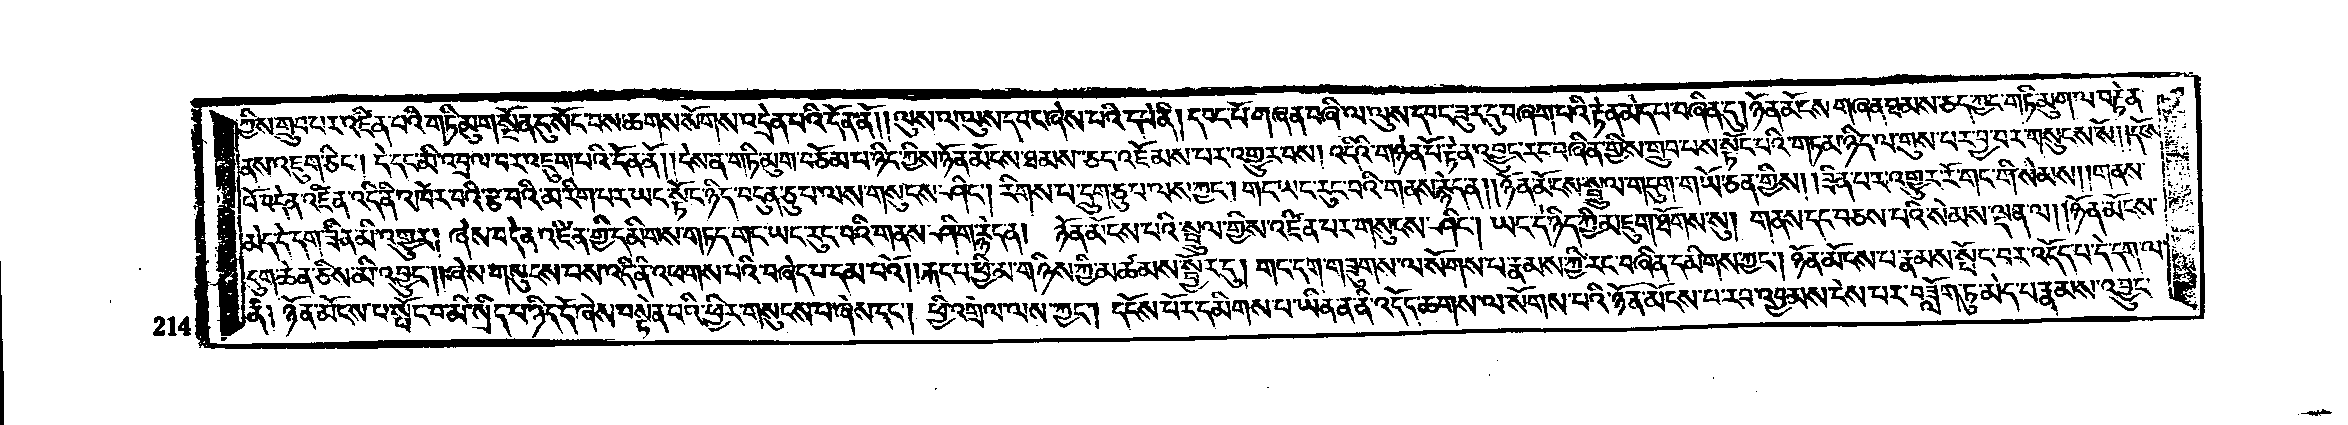ཀྱིས་གྲུབ་པར་འཛིན་པའི་གཏི་མུག་སྔོན་དུ་སོང་བས་ཆགས་སོགས་འདྲེན་པའི་དོན་ནོ། །ལུས་ལ་ལུས་དབང་ཞེས་པའི་དཔེ་ནི། དབང་པོ་གཞན་བཞི་ལ་ལུས་དབང་ཟུར་དུ་བཞག་པའི་རྟེན་མེད་པ་བཞིན་དུ། ཉོན་མོངས་གཞན་ཐམས་ཅད་ཀྱང་གཏི་མུག་ལ་བརྟེན་
ནས་འཇུག་ཅིང་། དེ་དང་མི་འབྲལ་བར་འཇུག་པའི་དོན་ནོ། །དེས་ན་གཏི་མུག་བཅོམ་པ་ཉིད་ཀྱིས་ཉོན་མོངས་ཐམས་ཅད་འཇོམས་པར་འགྱུར་བས། འདིའི་གཉེན་པོ་རྟེན་འབྱུང་རང་བཞིན་གྱིས་གྲུབ་པས་སྟོང་པའི་གཏམ་ཉིད་ལ་གུས་པར་བྱ་བར་གསུངས་སོ། །དངོས་
པོ་བདེན་འཛིན་འདི་ནི་འཁོར་བའི་རྩ་བའི་མ་རིག་པར་ཡང་སྟོང་ཉིད་བདུན་ཅུ་པ་ལས་གསུངས་ཤིང་། རིགས་པ་དྲུག་ཅུ་པ་ལས་ཀྱང་། གང་ཡང་རུང་བའི་གནས་རྙེད་ན། །ཉོན་མོངས་སྦྲུལ་གདུག་གཡོ་ཅན་གྱིས། །ཟིན་པར་འགྱུར་རོ་གང་གི་སེམས། །གནས་
མེད་དེ་དག་ཟིན་མི་འགྱུར། ཞེས་བདེན་འཛིན་གྱི་དམིགས་གཏད་གང་ཡང་རུང་བའི་གནས་ཤིག་རྙེད་ན། ཉོན་མོངས་པའི་སྦྲུལ་གྱིས་འཛིན་པར་གསུངས་ཤིང་། ཡང་དེ་ཉིད་ཀྱི་མཇུག་ཐོགས་སུ། གནས་དང་བཅས་པའི་སེམས་ལྡན་ལ། །ཉོན་མོངས་
དུག་ཆེན་ཅེས་མི་འབྱུང་། །ཞེས་གསུངས་པས་འདི་ནི་འཕགས་པའི་བཞེད་པ་དམ་པའོ། །རྐང་པ་ཕྱི་མ་གཉིས་ཀྱི་མཚམས་སྦྱོར་དུ། གང་དག་གཟུགས་ལ་སོགས་པ་རྣམས་ཀྱི་རང་བཞིན་དམིགས་ཀྱང་། ཉོན་མོངས་པ་རྣམས་སྤོང་བར་འདོད་པ་དེ་དག་ལ་
ནི། ཉོན་མོངས་པ་སྤོང་བ་མི་སྲིད་པ་ཉིད་དོ་ཞེས་བསྟེན་པའི་ཕྱིར་གསུངས་པ་ཞེས་དང་། ཕྱི་འགྲེལ་ལས་ཀྱང་། དངོས་པོར་དམིགས་པ་ཡིན་ན་ནི་འདོད་ཆགས་ལ་སོགས་པའི་ཉོན་མོངས་པ་རབ་འབྱམས་ངེས་བར་བཟློག་ཏུ་མེད་པ་རྣམས་འབྱུང་